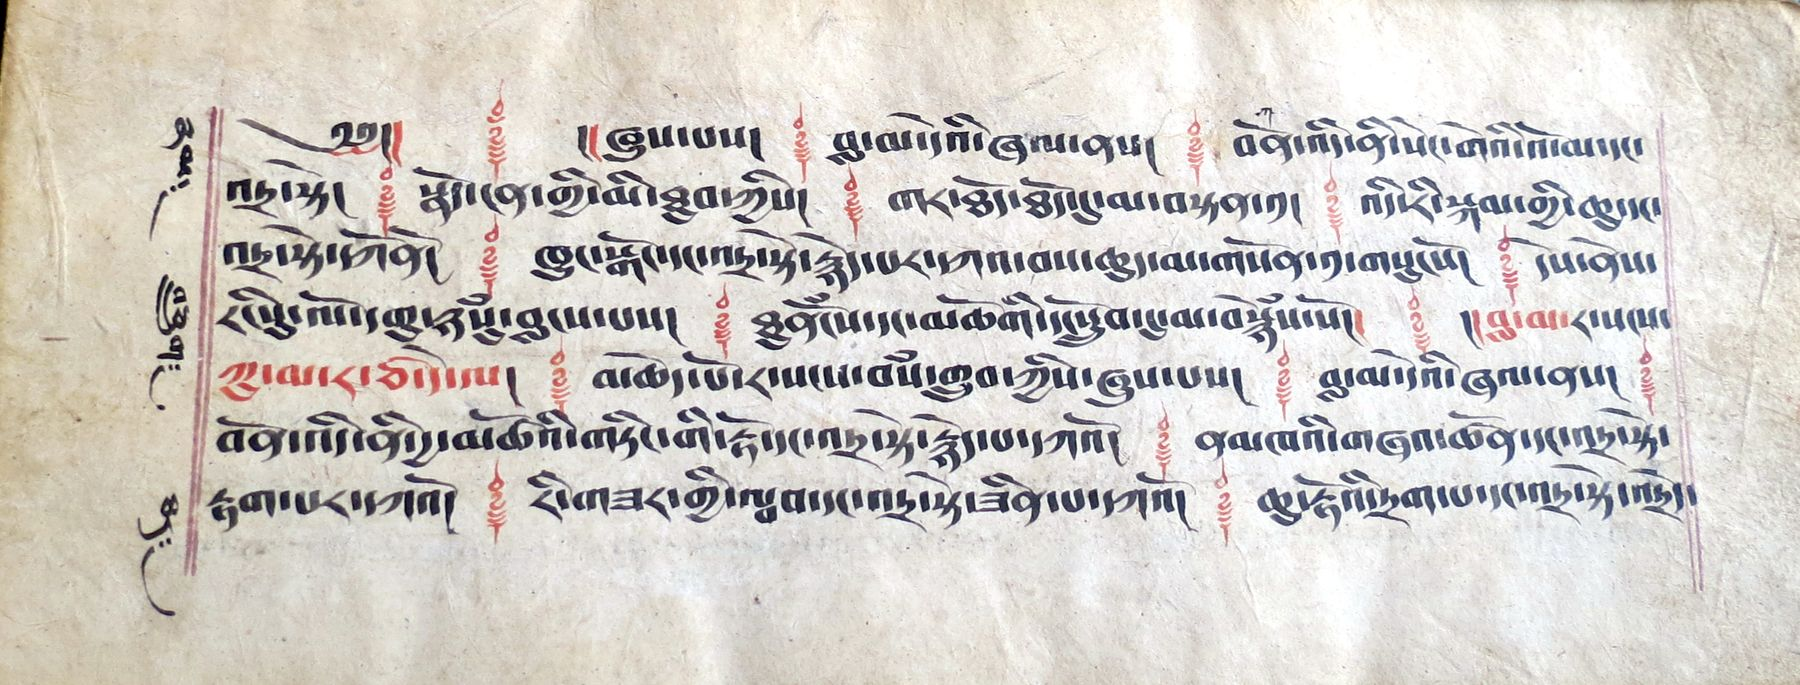ཞུས་པས། བླ་མ་དེའི་ཞལ་ནས། བོན་འདི་ནི་སེང་གེའི་འོ་མ་དང་
འདྲ་སྟེ། སྣོད་ངན་གྱིས་མི་ཐུབ་ཀྱི། གར་ཐོད་ཐོད་དུ་མ་སྟོན་ཞིག འདི་ནི་རི་སྐམ་གྱི་ཆུ་དང་
འདྲ་སྟེ་དཀོན་ནོ། ། ཁྱུང་སྒོང་དང་འདྲ་སྟེ་རྙེད་པར་དཀའ་བས་ཆུད་མ་གསོན་ཞིག་གསུངས་སོ། ། དེས་ནི་
རིངས་སུ་ལོ་དགུ་ཉམས་སུ་བླངས་པས། ཐུན་མོང་དང་མཆོག་གི་དངོས་གྲུབ་དུ་མ་བསྙེམས་སོ། ། བླ་མ་ར་སངས་
ཀུ་མ་ར་ཙ་དེ་ལ། མཆེད་པོ་ར་སངས་བསམ་གྲུབ་ཀྱིས་ཞུས། བླ་མ་དེའི་ཞལ་ནས། 
བོན་འདི་ནི་རྒྱ་མཚོའི་གཏིང་གི་རྡོ་དང་འདྲ་སྟེ་རྙེད་པ་དཀའ་འོ། ། ནམ་མཁའི་གཞའ་ཚོན་དང་འདྲ་སྟེ་
བརྟག་པ་དཀའ་འོ། ། རི་གཟར་གྱི་རྦབ་དང་འདྲ་སྟེ་ཟིན་པ་དཀའ་འོ། ། ཆུ་རྡོའི་དྲག་དང་འདྲ་སྟེ་འདྲེད་